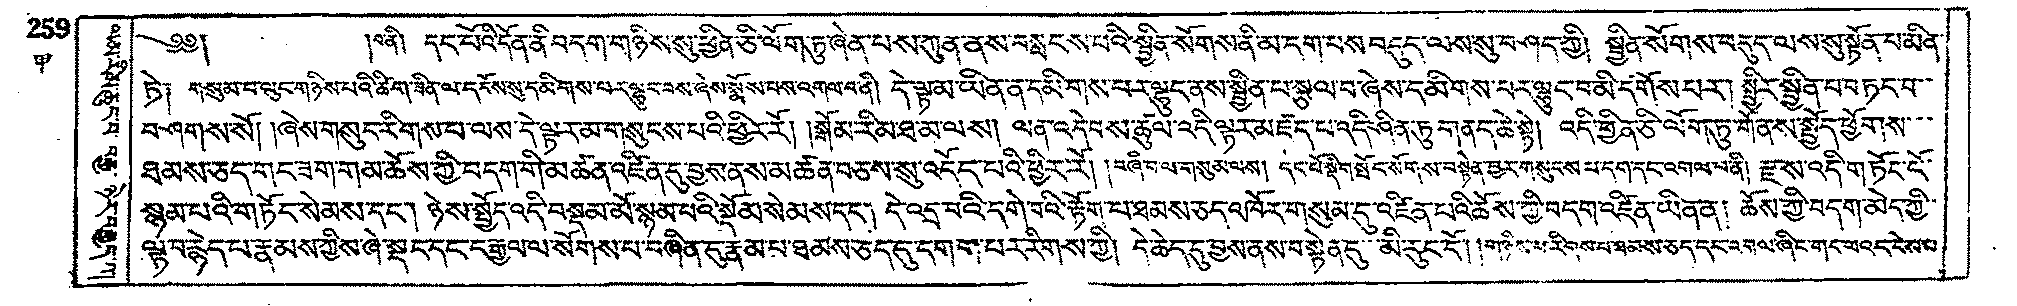༄༅། །བ་ནི། དང་པོའི་དོན་ནི་བདག་གཉིས་སུ་ཕྱིན་ཅི་ལོག་ཏུ་ཞེན་པས་ཀུན་ནས་བསླངས་པའི་སྦྱིན་སོགས་ནི་མ་དག་པས་བདུད་ལས་སུ་བཤད་ཀྱི། སྦྱིན་སོགས་བདུད་ལས་སུ་སྟོན་པ་མིན་
ཏེ༑ གསུམ་པ་ལུང་གཉིས་པའི་ཚིག་ཟིན་ལ་དངོས་སུ་དམིགས་པར་ལྷུང་བས་ཞེས་སྨོས་པས་འགལ་བ་ནི།  དེ་ལྟ་མ་ཡིན་ན་དམིགས་པར་ལྷུང་ནས་སྦྱིན་པ་སྩལ་བ་ཞེས་དམིགས་པར་ལྷུང་བ་མི་དགོས་པར། སྤྱིར་སྦྱིན་པ་བཏང་བ་
བཤགས་སོ། །ཞེས་གསུང་རིགས་པ་ལས་དེ་ལྟར་མ་གསུངས་པའི་ཕྱིར་རོ། །སྒོམ་རིམ་ཐ་མ་ལས། ལན་འདེབས་ཚུལ་འདི་ལྟར་མཛད་པ་འདི་ཤིན་ཏུ་གནད་ཆེ་སྟེ། འདི་ཕྱིན་ཅི་ལོག་ཏུ་གོ་ནས་སྤྱོད་ཕྱོགས་
ཐམས་ཅད་གང་ཟག་གམ་ཆོས་ཀྱི་བདག་གི་མཚན་འཛིན་དུ་བྱས་ནས་མཚན་བཅས་སུ་འདོད་པའི་ཕྱིར་རོ། །བཞི་པ་ལ་གསུམ་ལས། དང་པོ་སྡིག་སྤོང་སོགས་བསྟེན་བྱར་གསུངས་པ་དག་དང་འགལ་བ་ནི།  རྫས་འདི་གཏོང་ངོ་
སྙམ་པའི་གཏོང་སེམས་དང་། ཉེས་སྤྱོད་འདི་བསྡམ་མོ་སྙམ་པའི་སྡོམ་སེམས་དང་། དེ་འདྲ་བའི་དགེ་བའི་རྟོག་པ་ཐམས་ཅད་འཁོར་གསུམ་དུ་འཛིན་པའི་ཆོས་ཀྱི་བདག་འཛིན་ཡིན་ན། ཆོས་ཀྱི་བདག་མེད་ཀྱི་
ལྟ་བ་རྙེད་པ་རྣམས་ཀྱིས་ཞེ་སྡང་དང་ང་རྒྱལ་ལ་སོགས་པ་བཞིན་དུ་རྣམ་པ་ཐམས་ཅད་དུ་དགག་པར་རིགས་ཀྱི། དེ་ཆེད་དུ་བྱས་ནས་བསྟེན་དུ་མི་རུང་ངོ། །གཉིས་པ་རིགས་པ་ཐམས་ཅད་དང་འགལ་ཞིང་གང་ལའང་ངེས་པ་